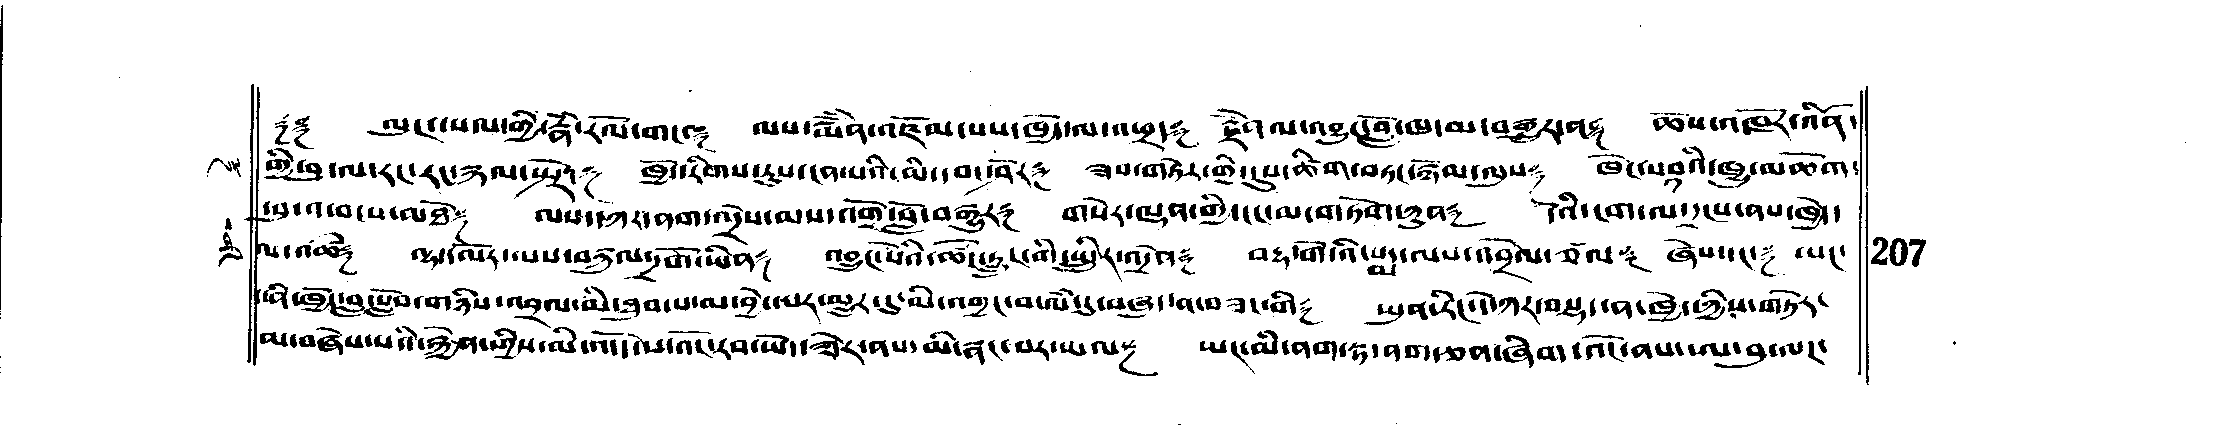ལུང་དཔལ་གྱི་རྣམ་རོལ་གང་། །ལས་སྨོན་ལམ་འཛོམ་པས་ཁྱོད་ལ་འཕྲད། །རྟེན་འབྲེལ་ལ་འབྱུང་བློ་ཁ་མ་བསྒྱུར་ན། །ཆོས་འཁོར་འཛིན་
གྱི་བུ་ལ་རང་སྐལ་སྤྲོད། ཁྱོད་རིགས་རུས་ངན་པའི་མི་དབང་ཤོར། །ཟབ་གཏེར་གྱི་དུས་ཚིགས་བཏང་སྙོམས་ལུས། ཁོང་སབྡའི་ཁྱུ་མཆོག་
དབུ་འཕངས་མཐོ། །ལས་དཀར་ནག་འདྲེས་མས་འགྲོ་བློ་བསྒྱུར། །གསེར་ལྡན་གྱི་ངང་པ་མ་གཏོགས་ཀུན། །དེའི་ངག་ལ་དྲངས་ནས་ཁྱེད་
ལ་འཚེ། །ལྷ་དམར་པོ་ལས་བསྐུལ་དྲག་པོ་ཡིན། །འབྱུང་པོའི་ཚོགས་རླུང་གི་སྤུ་གྲིར་འདྲེན། །བརྡ་གོ་འམ་པདྨ་ལས་འབྲེལ་རྩལ། །ཞེས་དང་། ཡང་
ད་ནི་ཁྱོད་བླ་སློབ་གཉིས་འབྲལ་མི་ཐུབ་པ་མ་བྱེད་པར་མྱུར་དུ་མི་འགྱང་བ་ལམ་དུ་བཞུད་ན་བཟང་གི། ཡུན་རིང་དེ་ཀར་བསྡད་ན་ཁྱེད་ཀྱིས་གཏེར་
མ་བཞེས་པའི་རྐྱེན་གྱིས་མི་འདོད་པ་འོང་རབ་ཡོད་ཟེར་ནས་མི་སྣང་བར་ཡལ། ཡང་མི་ནག་རྟ་ནག་ཅན་ཞིག་འོང་ནས་ཨ་བུ་ལགས་